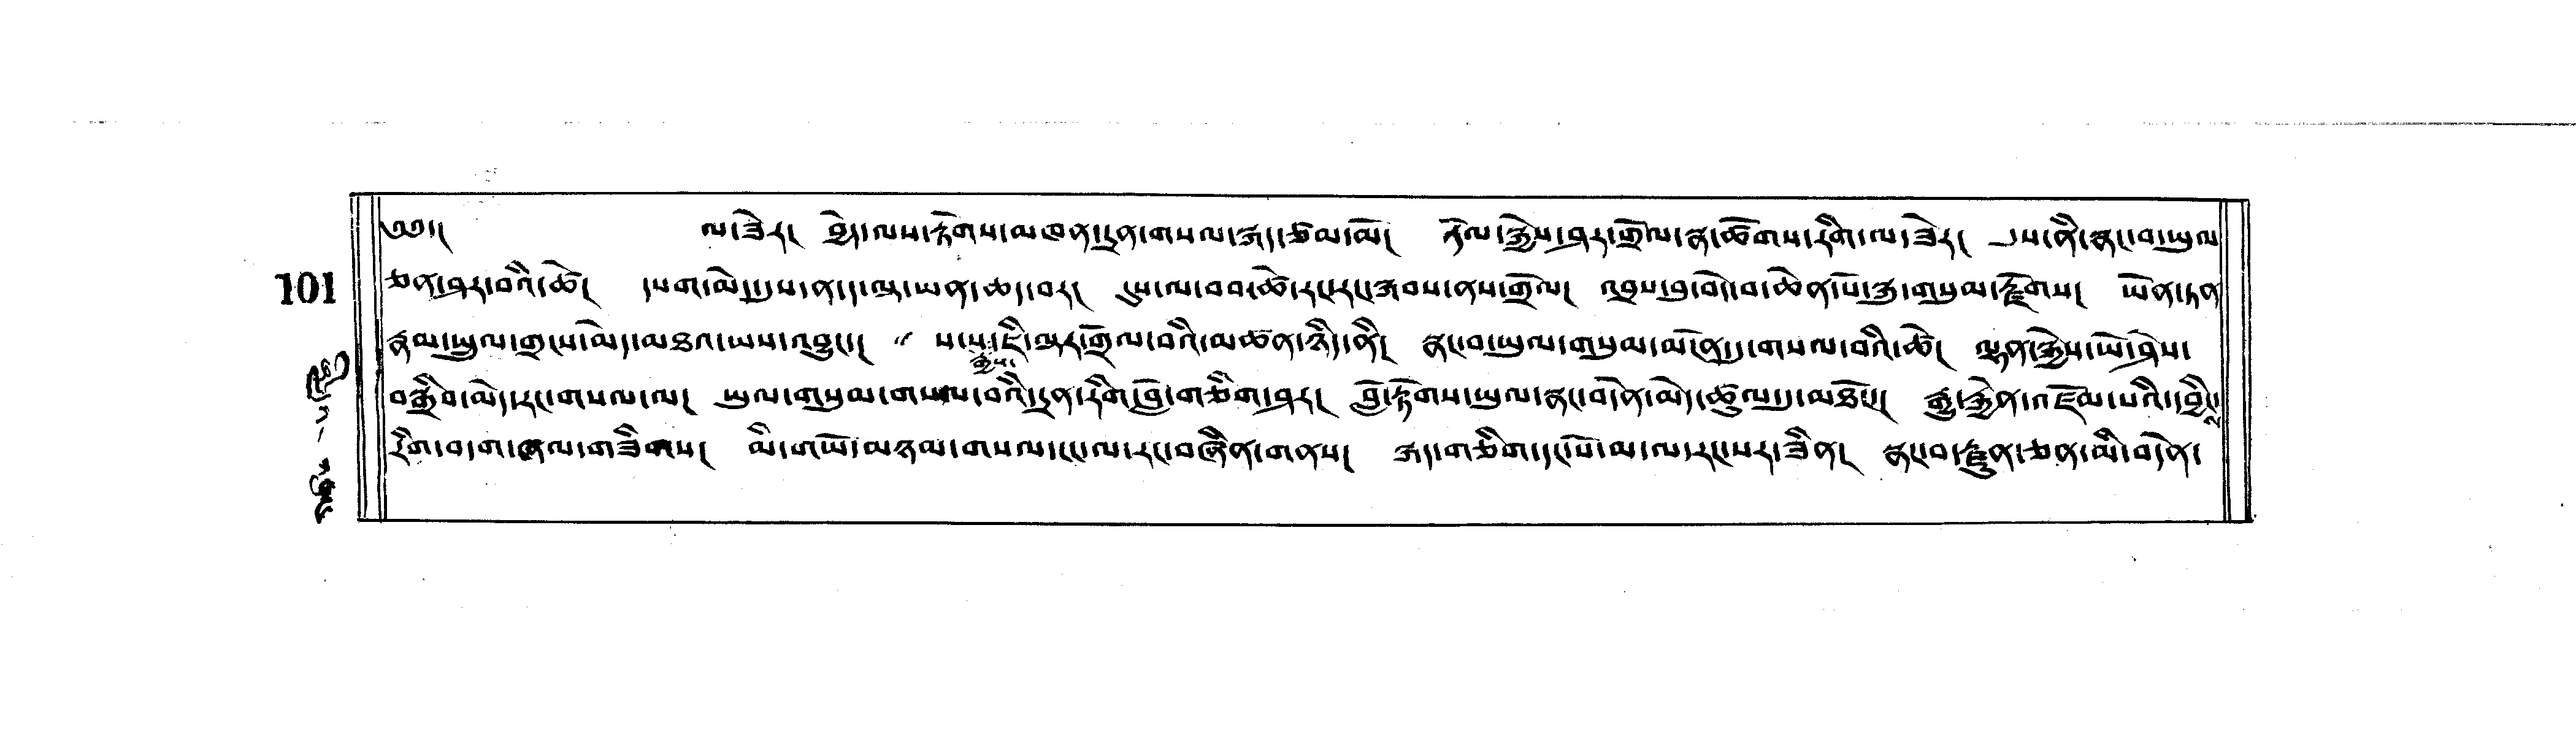ལ་ཟེར། བྱེད་ལས་རྟོགས་མཁན་དྲན་གསལ་སྐད་ཙམ་མོ། ཏོལ་སྐྱེས་ཤར་གྲོལ་སྣ་ཚོགས་རིགས་ལ་ཟེར། དུས་ནི་སྣང་བ་ཡུལ་
ཅན་ཤར་བའི་ཚེ། དཔག་མེད་དུས་ནས་ད་ལྟ་ཡན་ཆད་བར། དུས་ལ་བབ་ཚེ་རང་རང་སྐབས་ནས་གྲོལ། འབྲས་བུ་བདེ་བ་ཆེན་པོ་སྐུ་གསུམ་རྫོགས། ཡོན་ཏན་
རྣམ་སྤྲུལ་གྲངས་མེད་མཐའ་ཡས་འབྱུང་། ༧ སངས་རྒྱས་ཇི་ལྟར་གྲོལ་བའི་མཚན་ཉིད་ནི། སྣང་བ་ཡུལ་གསུམ་མངོན་དུ་གསལ་བའི་ཚེ། ལྷན་སྐྱེས་ཡེ་ཤེས་
སྒྲིབ་མེད་རང་གསལ་ལ། ཡུལ་གསུམ་གསལ་བའི་དྲན་རིག་བློ་གཅིག་ཤར། བློ་རྟོག་ཡུལ་སྣང་བདེན་མེད་ཚུལ་དུ་མཐོང་། རྒྱུ་རྐྱེན་འཛོམ་པའི་དབྱིངས་
རིག་བདག་ཞལ་གཟིགས། མི་གཡོ་མཉམ་གསལ་ངང་ལ་རང་བཞིན་གནས། སྐད་ཅིག་དང་པོ་མ་ལ་རང་སར་ཟིན། སྣང་བ་རྫུན་ཅན་མི་བདེན་